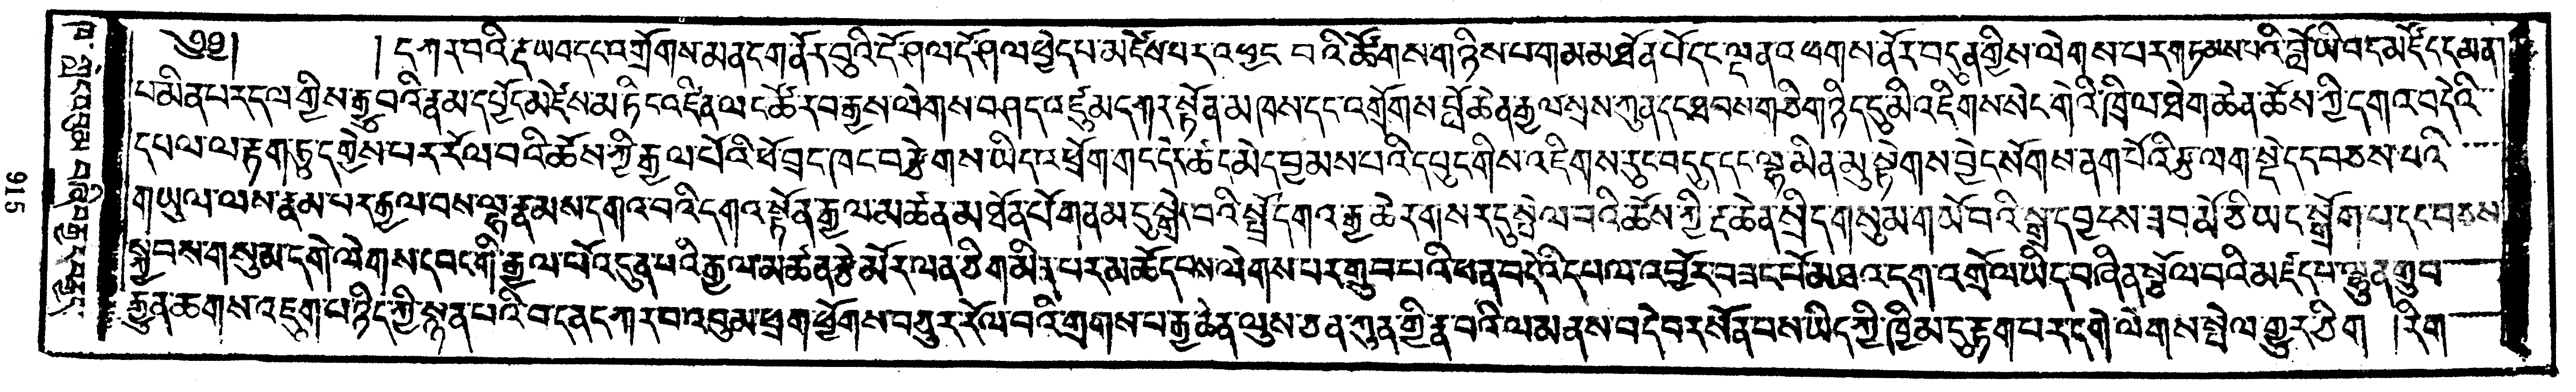༄༅། །དཀར་བའི་རྔ་ཡབ་དང་འགྲོགས་མན་ངག་ནོར་བུའི་དོ་ཤལ་དོ་ཤལ་ཕྱེད་པ་མཛེས་པར་འཕྱང་བའི་ཚོགས་གཉིས་པ་གམ་མཐོན་པོ་དང་ལྡན་འཕགས་ནོར་བདུན་གྱིས་ལེགས་པར་གཏམས་པའི་བློ་ཡི་བང་མཛོད་དམན་
པ་མིན་པར་དལ་གྱིས་རྒྱུ་བའི་རྣམ་དཔྱོད་མཛེས་མ་ཏིང་འཛིན་ལང་ཚོ་རབ་རྒྱས་ལེགས་བཤད་འཛུམ་དཀར་སྟོན་མཁས་དང་འགྲོགས་བློ་ཆེན་རྒྱལ་སྲས་ཀུན་དང་ཐབས་གཅིག་ཉིད་དུ་མི་འཇིགས་སེང་གེའི་ཁྲི་ལ་ཐེག་ཆེན་ཆོས་ཀྱི་དགའ་བ་དེའི་
དཔལ་ལ་རྟག་ཏུ་དགྱེས་པར་རོལ་བའི་ཆོས་ཀྱི་རྒྱལ་པོའི་ཕོ་བྲང་ཁང་བརྩེགས་ཡིད་པར་འཕྲོག་གང་དེར་ཚད་མེད་བྱམས་པའི་དཔུང་གིས་འཇིགས་རུང་བདུད་དང་ལྷ་མིན་མུ་སྟེགས་བྱེད་སོགས་ནག་པོའི་རྩེ་ལག་སྡེ་དང་བཅས་པའི་
གཡུལ་ལས་རྣམ་པར་རྒྱལ་བས་ལྷ་རྣམས་དགའ་བའི་དགའ་སྟོན་རྒྱལ་མཚན་མཐོན་པོ་གནམ་དུ་སྒྲེང་བའི་སྤྲོ་དགའ་རྒྱ་ཆེར་གསར་དུ་སྤེལ་བའི་ཆོས་ཀྱི་རྔ་ཆེན་སྲིད་གསུམ་གཡོ་བའི་སྒྲ་དབྱངས་ཟབ་མོ་ཅི་ཡང་སྒྲོག་པ་དང་བཅས་
སྐྱབས་གསུམ་དགེ་ལེགས་དབང་གི་རྒྱལ་པོ་འདུན་པའི་རྒྱལ་མཚན་རྩེ་མོར་ལན་ཅིག་མིན་པར་མཆོད་པས་ལེགས་པར་གྲུབ་པའི་ཕན་བདེའི་དཔལ་འབྱོར་བཟང་པོ་མཐའ་དག་འགྲོ་ལ་ཡིད་བཞིན་སྩོལ་བའི་མཛད་པ་ལྷུན་གྲུབ་
རྒྱུན་ཆགས་འཇུག་པ་ཉིད་ཀྱི་སྙན་པའི་བ་དན་དཀར་བ་འབུམ་ཕྲག་ཕྱོགས་བཅུར་རོལ་བའི་གྲགས་པ་རྒྱ་ཆེན་ལུས་ཅན་ཀུན་གྱི་རྣ་བའི་ལམ་ནས་བདེ་བར་སོན་པས་ཡིད་ཀྱི་ཁྱིམ་དུ་རྟག་པར་དགེ་ལེགས་སྤེལ་གྱུར་ཅིག །རིག་